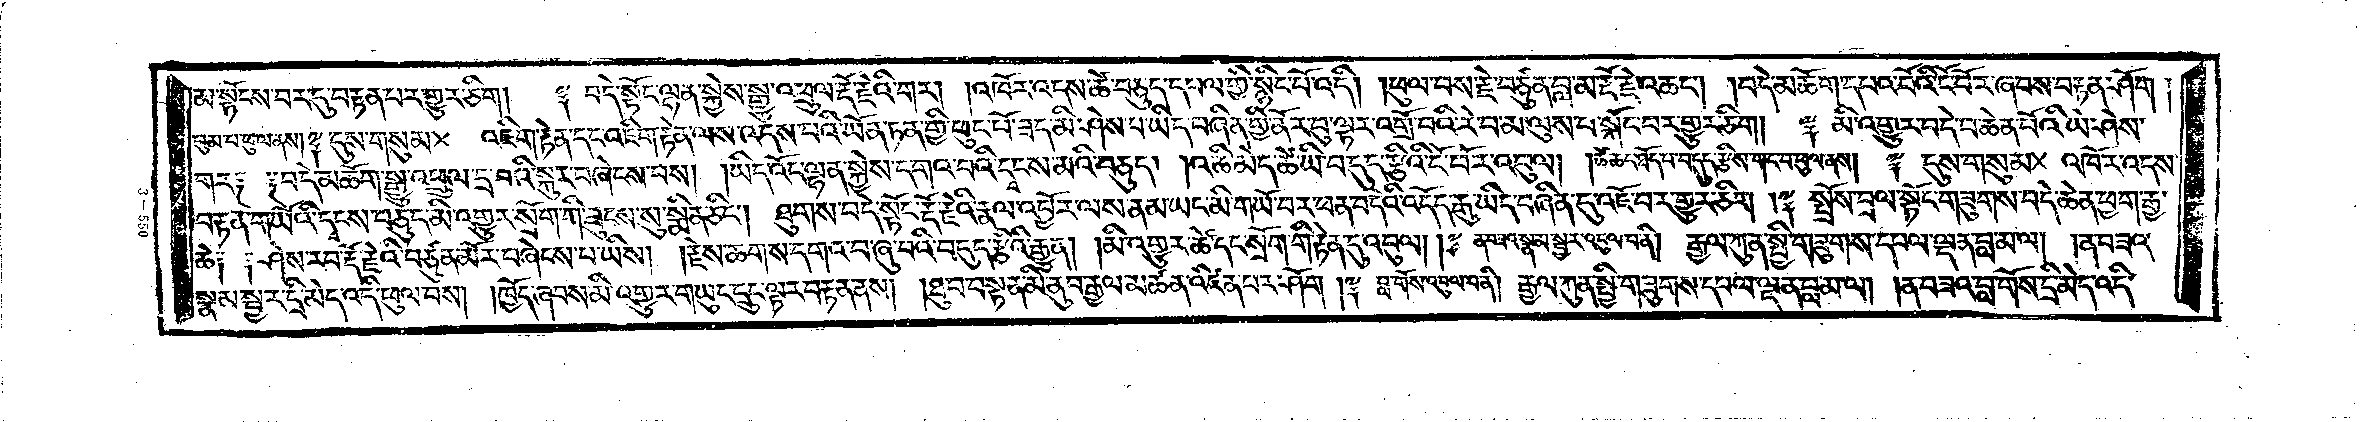མ་སྟོངས་བར་དུ་བརྟན་པར་གྱུར་ཅིག ། ༈ བདེ་སྟོང་ལྷན་སྐྱེས་སྒྱུ་འཕྲུལ་རྡོ་རྗེའི་གར། །འཁོར་འདས་ཚེ་བཅུད་དཔལ་གྱི་སྙིང་པོ་འདི། །ཕུལ་བས་རྗེ་བཙུན་བླ་མ་རྡོ་རྗེ་འཆང་། །བདེ་མཆོག་དཔའ་བོའི་ངོ་བོར་ཞབས་བརྟན་ཤོག །
བུམ་པ་ཕུལ་ནས།  ༈ དུས་གསུམ་྾་འཇིག་རྟེན་དང་འཇིག་རྟེན་ལས་འདས་པའི་ཡོན་ཏན་གྱི་ཕུང་པོ་ཟད་མི་ཤེས་པ་ཡིད་བཞིན་གྱི་ནོར་བུ་ལྟར་འགྲོ་བའི་རེ་བ་མ་ལུས་པ་སྐོང་པར་གྱུར་ཅིག ། ༈ མི་འགྱུར་བདེ་བ་ཆེན་པོའི་ཡེ་ཤེས་
གར༑ ༑བདེ་མཆོག་སྒྱུ་འཕྲུལ་དྲ་བའི་སྐུར་བཞེངས་པས། །ཡིད་འོད་ལྷན་སྐྱེས་དགའ་བའི་དྭངས་མའི་བཅུད། །འཆི་མེད་ཚེ་ཡི་བདུད་རྩིའི་ངོ་བོར་འབུལ། །ཚེ་ཆད་ཐོད་བ་བདུད་རྩིས་གང་བ་ཕུལ་ནས།  ༈ དུས་གསུམ་྾་འཁོར་འདས་
བརྟན་གཡོའི་དྭངས་བཅུད་མི་འགྱུར་སྲོག་གི་ཟུངས་སུ་སྨིན་ཅིང་། ཐུགས་བདེ་སྟོང་རྡོ་རྗེའི་རྣལ་འབྱོར་ལས་ནམ་ཡང་མི་གཡོ་བར་ཕན་བདེའི་འདོད་རྒྱུ་ཡིད་བཞིན་དུ་འཇོ་བར་གྱུར་ཅིག ། ༈ སྤྲོས་བྲལ་སྟོང་གཟུགས་བདེ་ཆེན་ཕྱག་རྒྱ་
ཆེ༑ ༑ཤེས་རབ་རྡོ་རྗེའི་བཙུན་མོར་བཞེངས་པ་ཡིས། །རྗེས་ཆགས་དགའ་བ་ཞུ་བའི་བདུད་རྩིའི་རྒྱུན། །མི་འགྱུར་ཚེ་དང་སྲོག་གི་རྟེན་དུ་འབུལ། །༈ ན་བཟའ་སྣམ་སྦྱར་འདུལ་བ་ནི།  རྒྱལ་ཀུན་སྤྱི་གཟུགས་དཔལ་ལྡན་བླ་མ་ལ། །ན་བཟའ་
སྣམ་སྦྱར་དྲི་མེད་འདི་ཕུལ་བས། །ཁྱོད་ཞབས་མི་འགྱུར་གཡུང་དྲུང་ལྟར་བརྟན་ནས། །ཐུབ་བསྟན་མི་ནུབ་རྒྱལ་མཚན་འཛིན་པར་ཤོག ། ༈ བླ་གོས་འབུལ་བ་ནི།  རྒྱལ་ཀུན་སྤྱི་གཟུགས་དཔལ་ལྡན་བླ་མ་ལ། །ན་བཟའ་བླ་གོས་དྲི་མེད་འདི་